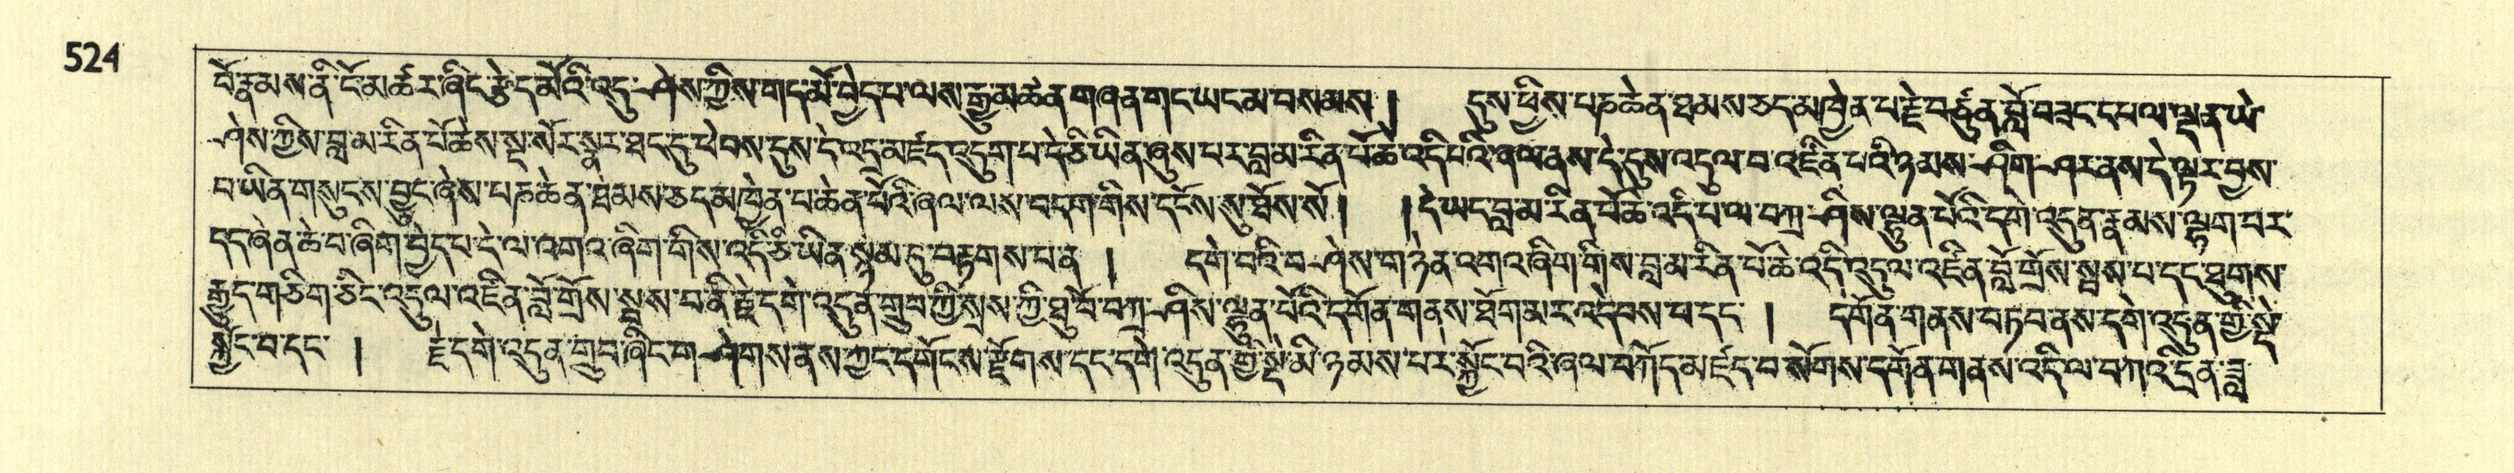བོ་རྣམས་ནི་ངོ་མཚར་ཞིང་རྩེད་མོའི་འདུ་ཤེས་ཀྱིས་གད་མོ་བྱེད་པ་ལས་རྒྱུ་མཆེན་གཞན་གང་ཡང་མ་བསམས། དུས་ཕྱིས་པཎ་ཆེན་ཐམས་ཅད་མཁྱེན་པ་རྗེ་བཙུན་བློ་བཟང་དཔལ་ལྡན་ཡེ་
ཤེས་ཀྱིས་བླ་མ་རིན་པོ་ཆེས་སྔ་སོར་སྣང་ཐང་དུ་ཕེབས་དུས་དེ་འདྲ་མཛད་འདུག་པ་དེ་ཅི་ཡིན་ཞུས་པར་བླ་མ་རིན་པོ་ཆེ་འདི་པའི་ཞལ་ནས་དེ་དུས་འདུལ་བ་འཛིན་པའི་ཉམས་ཤིག་ཤར་ནས་དེ་ལྟར་བྱས་
བ་ཡིན་གསུངས་བྱུང་ཞེས་པཎ་ཆེན་ཐམས་ཅད་མཁྱེན་པ་ཆེན་པོའི་ཞལ་ལས་བདག་གིས་དངོས་སུ་ཐོས་སོ། །དེ་ཡང་བླ་མ་རིན་པོ་ཆེ་འདི་པ་ལ་བཀྲ་ཤིས་ལྷུན་པོའི་དགེ་འདུན་རྣམས་ལྷག་བར་
དད་ཞེན་ཆེ་བ་ཞིག་བྱེད་པ་དེ་ལ་འགའ་ཞིག་གིས་འདི་ཅི་ཡིན་སྙམ་དུ་བརྟགས་པ་ན། དགེ་བའི་བཤེས་གཉེན་འགའ་ཞིག་གིས་བླ་མ་རིན་པོ་ཆེ་འདི་འདུལ་འཛིན་བློ་གྲོས་སྦས་པ་དང་ཐུགས་
རྒྱུད་གཅིག་ཅིང་འདུལ་འཛིན་བློ་གྲོས་སྦས་བ་ནི་རྗེ་དགེ་འདུན་གྲུབ་ཀྱི་སྲས་ཀྱི་ཐུ་བོ་བཀྲ་ཤིས་ལྷུན་བོའི་དགོན་གནས་ཐོག་མར་འདེབས་པ་དང་། དགོན་གནས་བཏབ་ནས་དགེ་འདུན་གྱི་སྡེ་
སྐྱོང་བ་དང་། རྗེ་དགེ་འདུན་གྲུབ་ཞིང་གཤེགས་ནས་ཀྱང་དགོངས་རྫོགས་དང་དགེ་འདུན་གྱི་སྡེ་མི་ཉམས་པར་སྐྱོང་བའི་ཞལ་བཀོད་མཛད་བ་སོགས་དགོན་གནས་འདི་ལ་བཀའ་དྲིན་ཟླ་